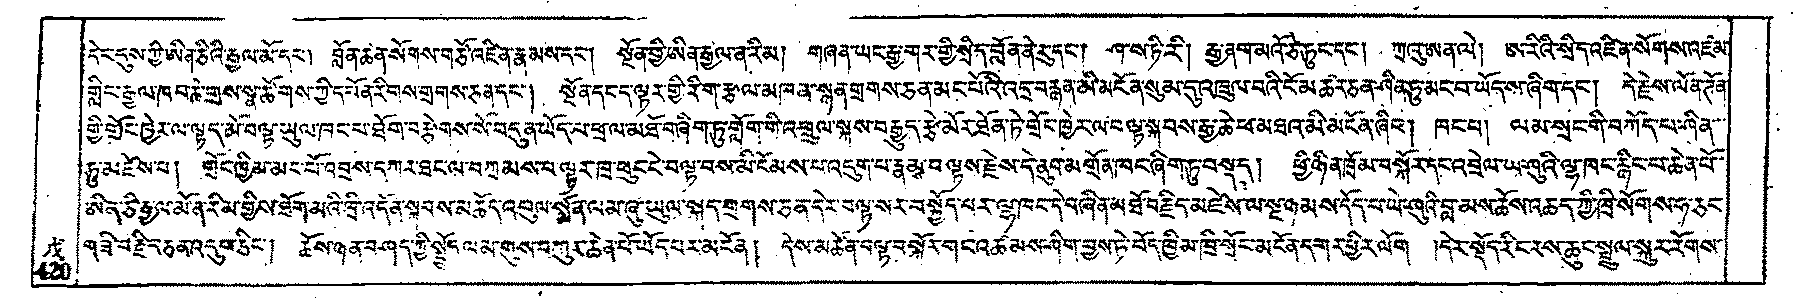དེང་དུས་ཀྱི་ཨིན་ཅིའི་རྒྱལ་མོ་དང་། བློན་ཚན་སོགས་གཙོ་འཛིན་རྣམས་དང་། སྔོན་གྱི་ཨིན་རྒྱལ་ན་རིམ། གཞན་ཡང་རྒྱ་གར་གྱི་སྲིད་བློན་ནེ་རུ་དང་། ཤ་ས་ཏི་རི། རྒྱ་ནག་མའོ་ཅེ་ཏུང་དང་། ཀྲའུ་ཨན་ལེ། ཨ་རིའི་སྲིད་འཛིན་སོགས་འཛམ་
གླིང་རྒྱལ་ཁབ་ཆེ་གྲས་སྣ་ཚོགས་ཀྱི་དཔོན་རིགས་གྲགས་ཅན་དང་། སྔོན་དང་ད་ལྟར་གྱི་རིག་རྩལ་མཁན་སྙན་གྲགས་ཅན་མང་པོའི་འདྲ་བརྙན་མི་མངོན་སུམ་དུ་འཁྲུལ་བའི་ངོ་མཚར་ཅན་ཤིན་ཏུ་མང་བ་ཡོད་ས་ཞིག་དང་། དེ་རྗེས་ལོན་ཊོན་
གྱི་གྲོང་ཁྱེར་ལ་ལྟད་མོ་བལྟ་ཡུལ་ཁང་པ་ཐོག་བརྩེགས་སོ་བདུན་ཡོད་པ་ཕྲ་ལ་མཐོ་བ་ཞིག་ཏུ་གློག་གི་འཕྲུལ་སྐས་བརྒྱུད་རྩེ་མོར་ཐོན་ཏེ་གྲོང་ཁྱེར་ལ་བལྟ་སྐབས་རྒྱ་ཆེ་ཕ་མཐའ་མི་མངོན་ཞིང་། ཁང་པ། ལམ་སྲང་གི་བཀོད་པ་ཤིན་
ཏུ་མཛེས་པ། གྲོང་ཁྱིམ་མང་པོ་འབྲས་དཀར་ཐང་ལ་བཀྲམས་པ་ལྟར་ཁྲ་ཕུང་ངེ་བལྟ་བས་མི་ངོམས་པ་འདུག་པ་རྣམས་བལྟས་རྗེས་དེ་ནུབ་མགྲོན་ཁང་ཞིག་ཏུ་བསྡད། ཕྱི་ཉིན་ཁྲོམ་བསྐོར་དང་འབྲེལ་ཡ་ཤུའི་ལྷ་ཁང་རྙིང་པ་ཆེན་པོ་
ཨིན་ཅི་རྒྱལ་མོ་ན་རིམ་གྱིས་ཐོག་མའི་ཁྲི་འདོན་སྐབས་མཆོད་འབུལ་སྨན་ལམ་ཞུ་ཡུལ་སྐད་གྲགས་ཅན་དེར་བལྟ་སར་བསྐྱོད་པར་ལྷ་ཁང་དེ་བཞིན་མཐོ་བརྗིད་མཛེས་ལ་སྔ་ཉམས་དོད་པ་ཡེ་ཤུའི་བླ་མས་ཆོས་འཆད་ཀྱི་ཁྲི་སོགས་ཧ་ཅང་
གཟི་བརྗིད་ཅན་འདུག་ཅིང་། ཆོས་ཉན་བཤད་ཀྱི་སྤྱོད་ལམ་གུས་བཀུར་ཆེན་པོ་ཡོད་པར་མངོན། དེས་མཚོན་བལྟ་བསྐོར་གང་འཚམས་ཤིག་བྱས་ཏེ་བོད་ཁྱིམ་ཁྲི་སྲོང་མངོན་དགར་ཕྱིར་ལོག །དེར་སྡོད་རིང་རས་ཆུང་སྤྲུལ་སྐུར་རོགས་